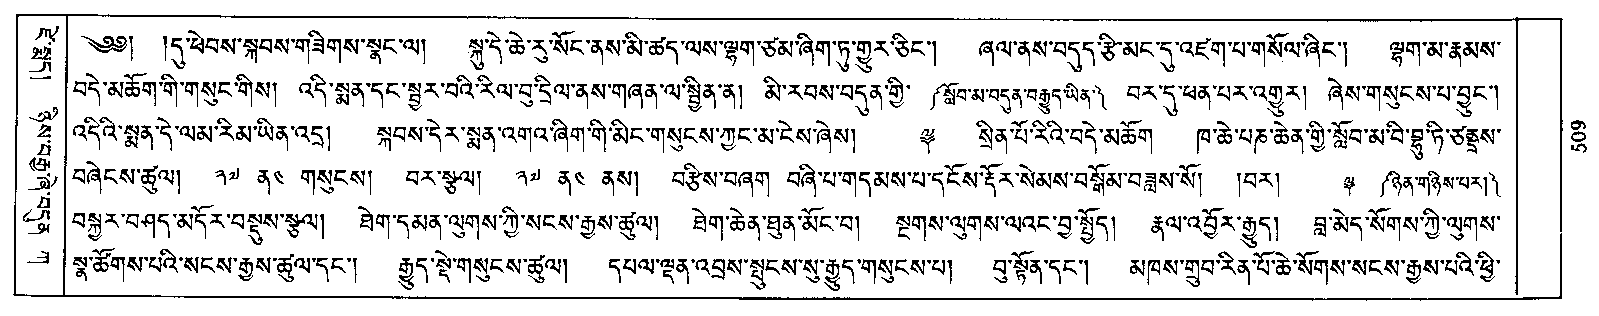༄༅། །དུ་ཕེབས་སྐབས་གཟིགས་སྣང་ལ། སྐུ་དེ་ཆེ་རུ་སོང་ནས་མི་ཚད་ལས་ལྷག་ཙམ་ཞིག་ཏུ་གྱུར་ཅིང་། ཞལ་ནས་བདུད་རྩི་མང་དུ་འཛག་པ་གསོལ་ཞིང་། ལྷག་མ་རྣམས་
བདེ་མཆོག་གི་གསུང་གིས། འདི་སྨན་དང་སྦྱར་བའི་རིལ་བུ་དྲིལ་ནས་གཞན་ལ་སྦྱིན་ན། མི་རབས་བདུན་གྱི་སློབ་མ་བདུན་བརྒྱུད་ཡིན྄་བར་དུ་ཕན་པར་འགྱུར། ཞེས་གསུངས་པ་བྱུང་།
འདིའི་སྨན་དེ་ལམ་རིམ་ཡིན་འདྲ། སྐབས་དེར་སྨན་འགའ་ཞིག་གི་མིང་གསུངས་ཀྱང་མ་ངེས་ཞེས། ༈ སྲིན་པོ་རིའི་བདེ་མཆོག་ཁ་ཆེ་པཎ་ཆེན་གྱི་སློབ་མ་བི་བྷུ་ཏི་ཙྣྡྲས་
བཞེངས་ཚུལ། ༢༧་ན ༤་གསུངས། བར་སྩལ། ༢༧་ན ༤་ནས། བརྩིས་བཞག་བཞི་པ་གདམས་པ་དངོས་རྡོར་སེམས་བསྒོམ་བཟླས་སོ། །བར། ༈ ཉིན་གཉིས་པར།?
བསྐྱར་བཤད་མདོར་བསྡུས་སྩལ། ཐེག་དམན་ལུགས་ཀྱི་སངས་རྒྱས་ཚུལ། ཐེག་ཆེན་ཐུན་མོང་བ། སྔགས་ལུགས་ལའང་བྱ་སྤྱོད། རྣལ་འབྱོར་རྒྱུད། བླ་མེད་སོགས་ཀྱི་ལུགས་
སྣ་ཚོགས་པའི་སངས་རྒྱས་ཚུལ་དང་། རྒྱུད་སྡེ་གསུངས་ཚུལ། དཔལ་ལྡན་འབྲས་སྤུངས་སུ་རྒྱུད་གསུངས་པ། བུ་སྟོན་དང་། མཁས་གྲུབ་རིན་པོ་ཆེ་སོགས་སངས་རྒྱས་པའི་ཕྱི་